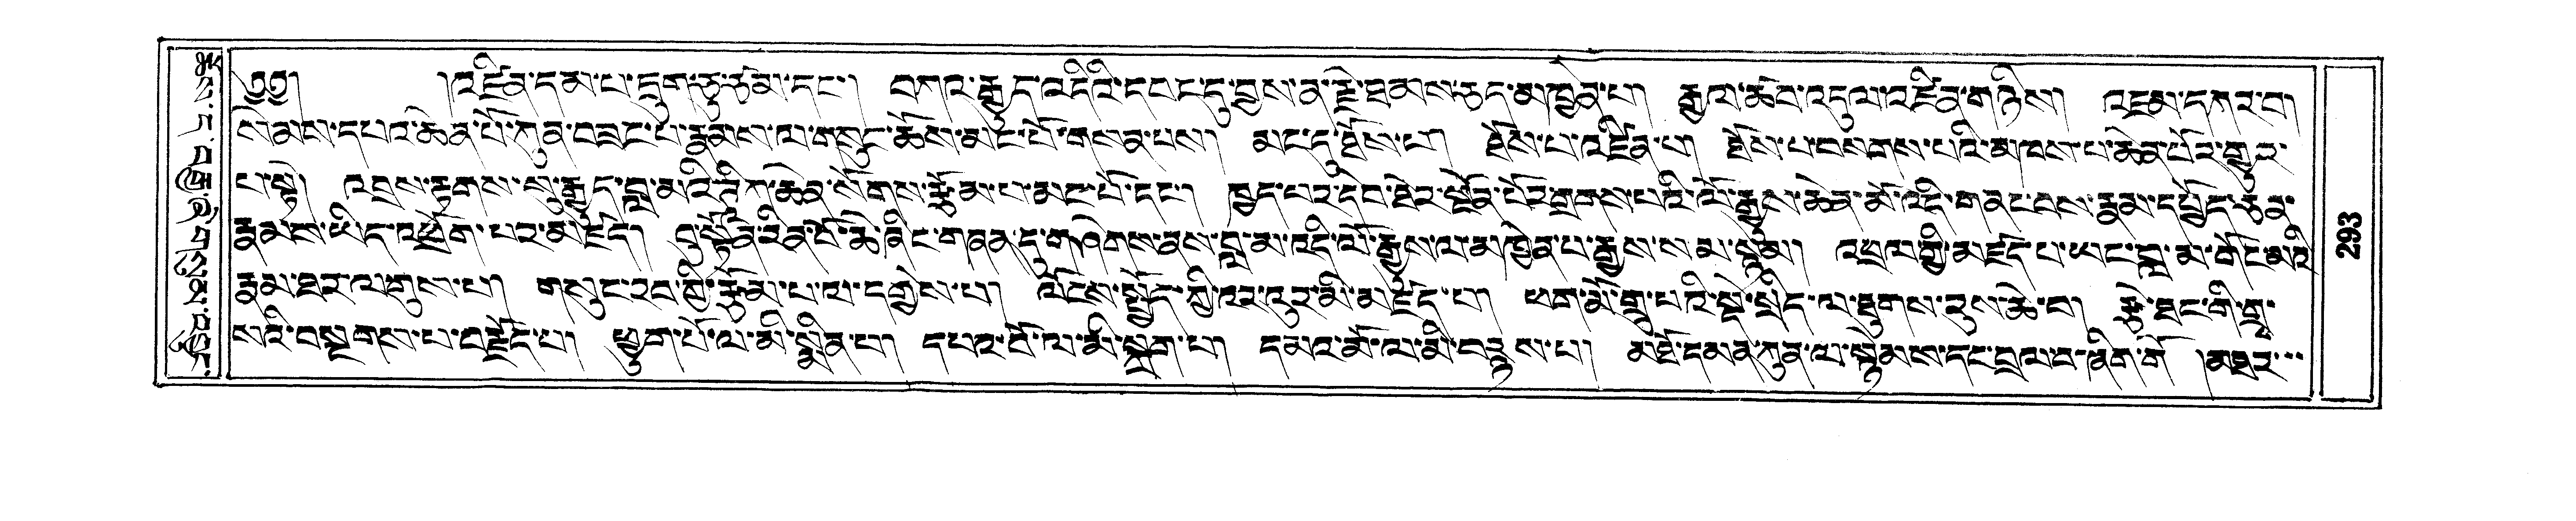༄༅། །འཛིན་དམ་པ་དྲུག་ཅུ་ཙམ་དང་། བཀའ་རྒྱུད་འདིའི་དབང་དུ་བྱས་ན་རྗེ་ཐམས་ཅད་མཁྱེན་པ། རྒྱལ་ཚབ་འདུལ་འཛིན་གཉིས། འཇམ་དཀར་བ།
སེམས་དཔའ་ཆེན་པོ་ཀུན་བཟང་པ་རྣམས་ལ་གསུང་ཆོས་མང་པོ་གསན་པས། མང་དུ་ཐོས་པ། ཐོས་པ་འཛིན་པ། ཐོས་པ་བསགས་པའི་མཁས་པ་ཆེན་པོར་གྱུར་
པ་སྟེ། འབྲས་རྟགས་སུ་རྒྱུད་བླ་མའི་ཊཱིཀ་ཆེན་སོགས་རྩོམ་པ་མང་པོ་དང་། ཁྱད་པར་དེབ་ཐེར་སྔོན་པོར་གྲགས་པའི་ལོ་རྒྱུས་ཆེན་མོ་འདི་གནང་བས་རྣམ་དཔྱོད་ཅན་
རྣམས་ཡིད་འཕྲོག་པར་མཛད། བུ་སྟོན་རིན་བོ་ཆེ་ཞིང་གཞན་དུ་གཤེགས་ནས་བླ་མ་འདི་ལོ་རྒྱུས་ལ་མཁྱེན་པ་རྒྱས་སམ་སྙམ། འཕྲལ་གྱི་མཛད་པ་ཡང་བླ་མ་གོང་མའི་
རྣམ་ཐར་ལ་གུས་པ། གསུང་རབ་གྱི་རྩོམ་པ་ལ་དགྱེས་པ། ལོངས་སྤྱོད་ཀྱི་འར་འུར་མི་མཛད་པ། ཕག་མོ་གྲུ་པའི་སྡེ་སྲིད་ལ་ཐུགས་རུས་ཆེ་བ། རྩེ་ཐང་གི་གྲྭ་
སའི་བསྔགས་པ་བརྗོད་པ། ཕྱུག་པོ་ལ་མི་སྨིན་པ། དཔའ་བོ་ལ་མི་སྐྲག་པ། དམའ་མོ་ལ་མི་བརྙས་པ། མཐོ་དམན་ཀུན་ལ་སྙེམས་དང་བྲལ་བ་ཞིག་གོ །མཐར་